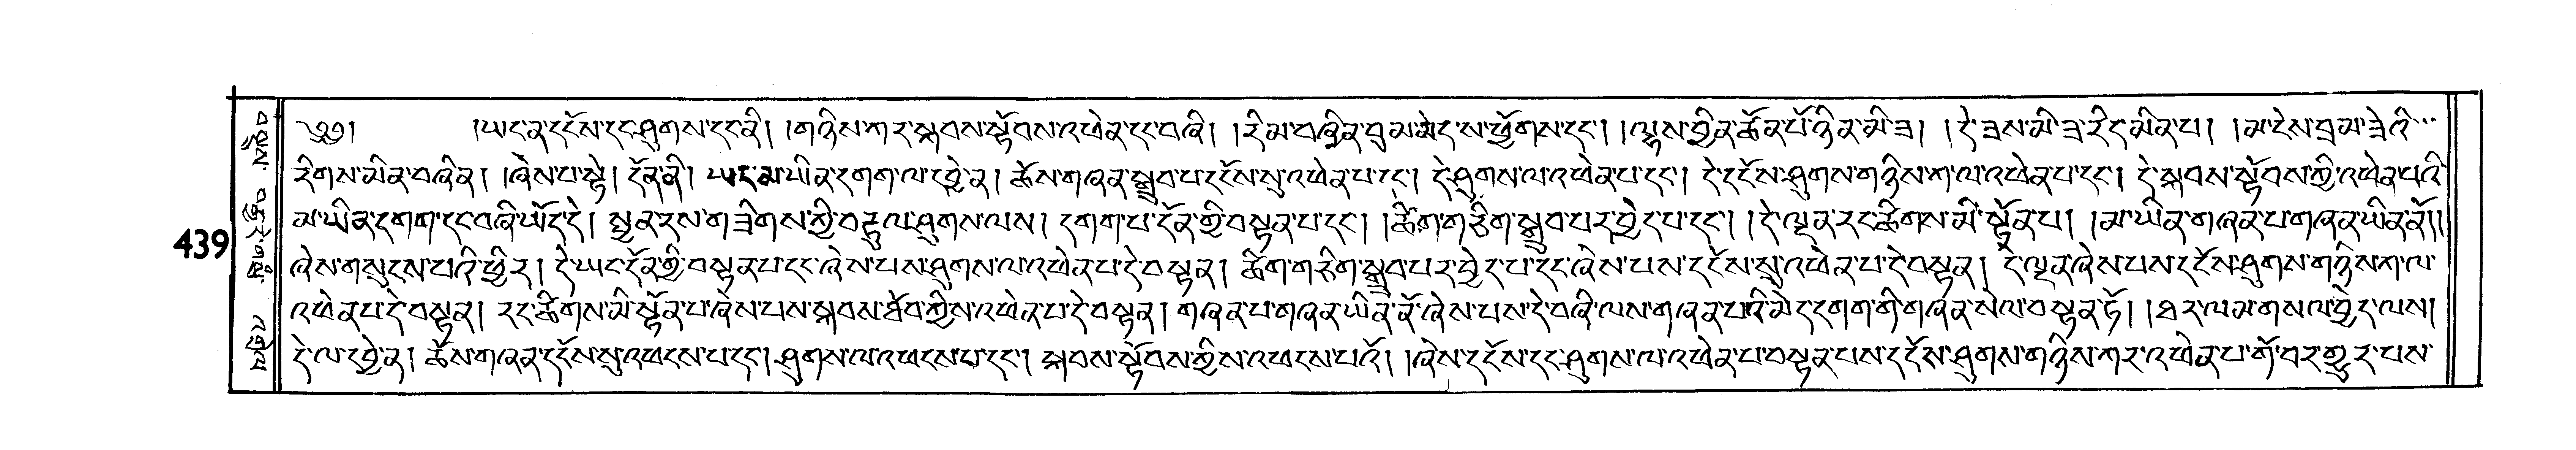༄༅། །ཡང་ན་དངོས་དང་ཤུགས་དང་ནི། །གཉིས་ཀར་སྐབས་སྟོབས་འཕེན་དང་བཞི། །རིམ་བཞིན་བུམ་མེད་ས་ཕྱོགས་དང་། །ལྷས་བྱིན་ཚོན་པོ་ཉིན་མི་ཟ། །དེ་ཟས་མི་ཟ་རིད་མིན་པ། །མ་ངེས་བྲམ་ཟེའི་
རིགས་མིན་བཞིན། །ཞེས་བ་སྟེ། དོན་ནི། ཡང་མ་ཡིན་དགག་ལ་དབྱེ་ན། ཆོས་གཞན་སྒྲུབ་པ་དངོས་པོ་འཕེན་པ་དང་། དེ་ཤུགས་ལ་འཕེན་པ་དང་། དེ་དངོས་ཤུགས་གཉིས་ཀ་ལ་འཕེན་པ་དང་། དེ་སྐབས་སྟོས་ཀྱི་འཕེལ་པའི་
མ་ཡིན་དགག་དང་བཞི་ཡོད་དེ། སྤྱན་རས་གཟིགས་ཀྱི་བརྟུལ་ཤུགས་ལས། དགག་པ་དོན་གྱི་བསྟན་པ་དང་། །ཚིག་གཅིག་སྒྲུབ་པར་བྱེད་པ་དང་། །དེ་ལྡན་རང་ཚིག་མི་སྟོན་པ། །མ་ཡིན་གཞན་པ་གཞན་ཡིན་ནོ། །
ཞེས་གསུངས་པའི་ཕྱིར། དེ་ཡང་དོན་གྱི་བསྟན་པ་དང་ཞེས་པས་ཤུགས་ལ་འཕེན་པ་དེ་བསྟན། ཚིག་གཅིག་སྒྲུབ་པར་བྱེད་པ་དང་ཞེས་པས་དངོས་སུ་འཕེན་པ་དེ་བསྟན། དེ་ལྡན་ཞེས་པས་དངོས་ཤུགས་གཉིས་ཀ་ལ་
འཕེན་པ་དེ་བསྟན། རང་ཚིག་མི་སྟོན་པ་ཞེས་པས་སྐབས་ཐོག་ཀྱིས་འཕེན་པ་དེ་བསྟན། གཞན་པ་གཞན་ཡིན་ནོ་ཞེས་པས་དེ་བཞི་ལས་གཞན་པའི་མེད་དགག་གི་གཞན་སེལ་བསྟན་ཏོ། །ཐར་ལམ་གསལ་བྱེད་ལས།
དེ་ལ་དབྱེ་ན། ཆོས་གཞན་དངོས་སུ་འཕངས་པ་དང་། ཤུགས་ལ་འཕངས་པ་དང་། སྐབས་སྟོབས་ཀྱིས་འཕངས་པའོ། །ཞེས་དངོས་དང་ཤུགས་ལ་འཕེན་པ་བསྟན་པས་དངོས་ཤུགས་གཉིས་ཀར་འཕེན་པ་གོ་བར་གྱུར་པས་